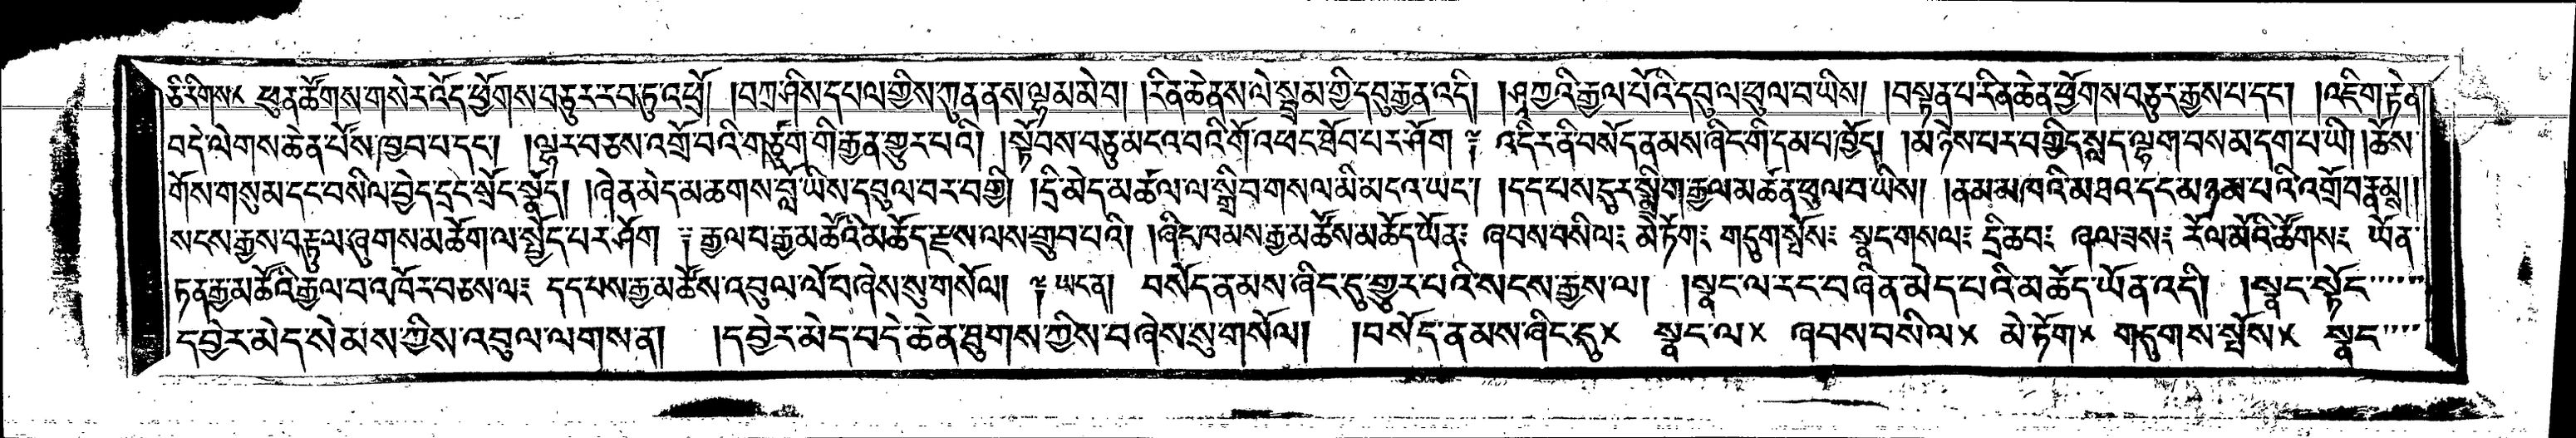ཅི་རིགས་{྾}་ཕུན་ཚོགས་གསེར་འོད་ཕྱོགས་བཅུར་རབ་ཏུ་འཕྲོ། །བཀྲ་ཤིས་དཔལ་གྱིས་ཀུན་ནས་ལྷམ་མེ་བ། །རིན་ཆེན་ས་ལེ་སྦྲམ་གྱི་དབུ་རྒྱན་འདི། །ཤཱ་ཀྱའི་རྒྱལ་པོའི་དབུ་ལ་ཕུལ་བ་ཡིས། །བསྟན་པ་རིན་ཆེན་ཕྱོགས་བཅུར་རྒྱས་པ་དང་། །འཇིག་རྟེན་
བདེ་ལེགས་ཆེན་པོས་ཁྱབ་པ་དང་། །ལྷར་བཅས་འགྲོ་བའི་གཙུག་གི་རྒྱན་གྱུར་པའི། །སྟོབས་བཅུ་མངའ་བའི་གོ་འཕང་ཐོབ་པར་ཤོག ༈ འདིར་ནི་བསོད་ནམས་ཞིང་གི་དམ་པ་ཁྱོད། །མཉེས་པར་བགྱིད་སླད་ལྷག་བསམ་དག་པ་ཡི། །ཆོས་
གོས་གསུམ་དང་བསིལ་བྱེད་དྲང་སྲོང་སྣོད། །ཞེན་མེད་མ་ཆགས་བློ་ཡིས་དབུལ་བར་བགྱི། །དྲི་མེད་མཚལ་ལ་སྒྲིབ་གསལ་མི་མངའ་ཡང་། །དད་པས་ངུར་སྨྲིག་རྒྱལ་མཚན་ཕུལ་བ་ཡིས། །ནམ་མཁའི་མཐའ་དང་མཉམ་པའི་འགྲོ་བ་རྣམས། །
སངས་རྒྱས་བརྟུལ་ཞུགས་མཆོག་ལ་སྤྱོད་པར་ཤོག ༈ རྒྱལ་བ་རྒྱ་མཚོའི་མཆོད་རྫས་ལས་གྲུབ་པའི། །ཞིང་ཁམས་རྒྱ་མཚོས་མཆོད་ཡོན༑ ཞབས་བསིལ༑ མེ་ཏོག༑ གདུག་སྤོས༑ སྣང་གསལ༑ དྲི་ཆབ༑ ཞལ་ཟས༑ རོལ་མོའི་ཚོགས༑ ཡོན་
ཏན་རྒྱ་མཚོའི་རྒྱལ་བ་འཁོར་བཅས་ལ༑ དད་པས་རྒྱ་མཚོས་འབུལ་ལོ་བཞེས་སུ་གསོལ། ༈ ཡང་ན། བསོད་ནམས་ཞིང་དུ་གྱུར་པའི་སངས་རྒྱས་ལ། །སྣང་ལ་རང་བཞིན་མེད་པའི་མཆོད་ཡོན་འདི། །སྣང་སྟོང་
དབྱེར་མེད་སེམས་ཀྱིས་འབུལ་ལགས་ན། །དབྱེར་མེད་བདེ་ཆེན་ཐུགས་ཀྱིས་བཞེས་སུ་གསོལ། །བསོད་ནམས་ཞིང་དུ་{྾}་སྣང་ལ་{྾}་ཞབས་བསིལ་{྾}་མེ་ཏོག་{྾}་གདུགས་སྤོས་{྾}་སྣང་